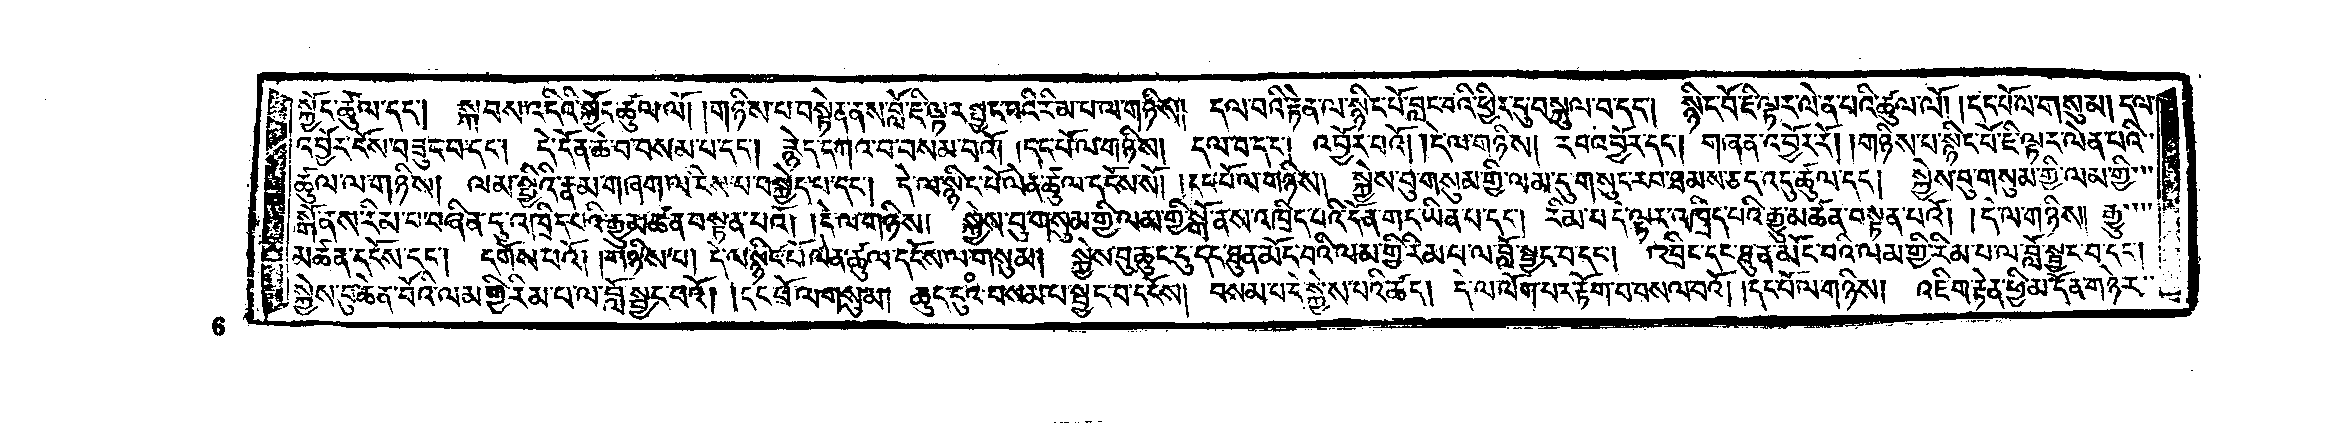སྐྱོང་ཚུལ་དང་། སྐབས་འདིའི་སྐྱོང་ཚུལ་ལོ། །གཉིས་པ་བསྟེན་ནས་བློ་ཇི་ལྟར་སྦྱང་བའི་རིམ་པ་ལ་གཉིས། དལ་བའི་རྟེན་ལ་སྙིང་པོ་བླང་བའི་ཕྱིར་དུ་བསྐུལ་བ་དང་། སྙིང་པོ་ཇི་ལྟར་ལེན་པའི་ཚུལ་ལོ། །དང་པོ་ལ་གསུམ། དལ་
འབྱོར་ངོས་བཟུང་བ་དང་། དེ་དོན་ཆེ་བ་བསམ་པ་དང་། རྙེད་དཀའ་བ་བསམ་པའོ། །དང་པོ་ལ་གཉིས། དལ་བ་དང་། འབྱོར་པའོ། །དེ་ལ་གཉིས། རང་འབྱོར་དང་། གཞན་འབྱོར་རོ། །གཉིས་པ་སྙིང་པོ་ཇི་ལྟར་ལེན་པའི་
ཚུལ་ལ་གཉིས། ལམ་སྤྱིའི་རྣམ་གཞག་ལ་ངེས་པ་བསྐྱེད་པ་དང་། དེ་ལ་སྙིང་པོ་ལེན་ཚུལ་དངོས་སོ། །དང་པོ་ལ་གཉིས། སྐྱེས་བུ་གསུམ་གྱི་ལམ་དུ་གསུང་རབ་ཐམས་ཅད་འདུ་ཚུལ་དང་། སྐྱེས་བུ་གསུམ་གྱི་ལམ་གྱི་
སྒོ་ནས་རིམ་པ་བཞིན་དུ་འཁྲིད་པའི་རྒྱུ་མཚན་བསྟན་པའོ། །དེ་ལ་གཉིས། སྐྱེས་བུ་གསུམ་གྱི་ལམ་གྱི་སྒོ་ནས་འཁྲིད་པའི་དོན་གང་ཡིན་པ་དང་། རིམ་པ་དེ་ལྟར་འཁྲིད་པའི་རྒྱུ་མཚན་བསྟན་པའོ། །དེ་ལ་གཉིས། རྒྱུ་
མཚན་དངོས་དང་། དགོས་པའོ། །གཉིས་པ། དེ་ལ་སྙིང་པོ་ལེན་ཚུལ་དངོས་ལ་གསུམ། སྐྱེས་བུ་ཆུང་ངུ་དང་ཐུན་མོང་བའི་ལམ་གྱི་རིམ་པ་ལ་བློ་སྦྱང་བ་དང་། འབྲིང་དང་ཐུན་མོང་བའི་ལམ་གྱི་རིམ་པ་ལ་བློ་སྦྱང་བ་དང་།
སྐྱེས་བུ་ཆེན་པོའི་ལམ་གྱི་རིམ་པ་ལ་བློ་སྦྱང་བའོ། །དང་པོ་ལ་གསུམ། ཆུང་ངུའི་བསམ་པ་སྦྱང་བ་དངོས། བསམ་པ་དེ་སྐྱེས་པའི་ཚད། དེ་ལ་ལོག་པར་རྟོག་པ་བསལ་བའོ། །དང་པོ་ལ་གཉིས། འཇིག་རྟེན་ཕྱི་མ་དོན་གཉེར་